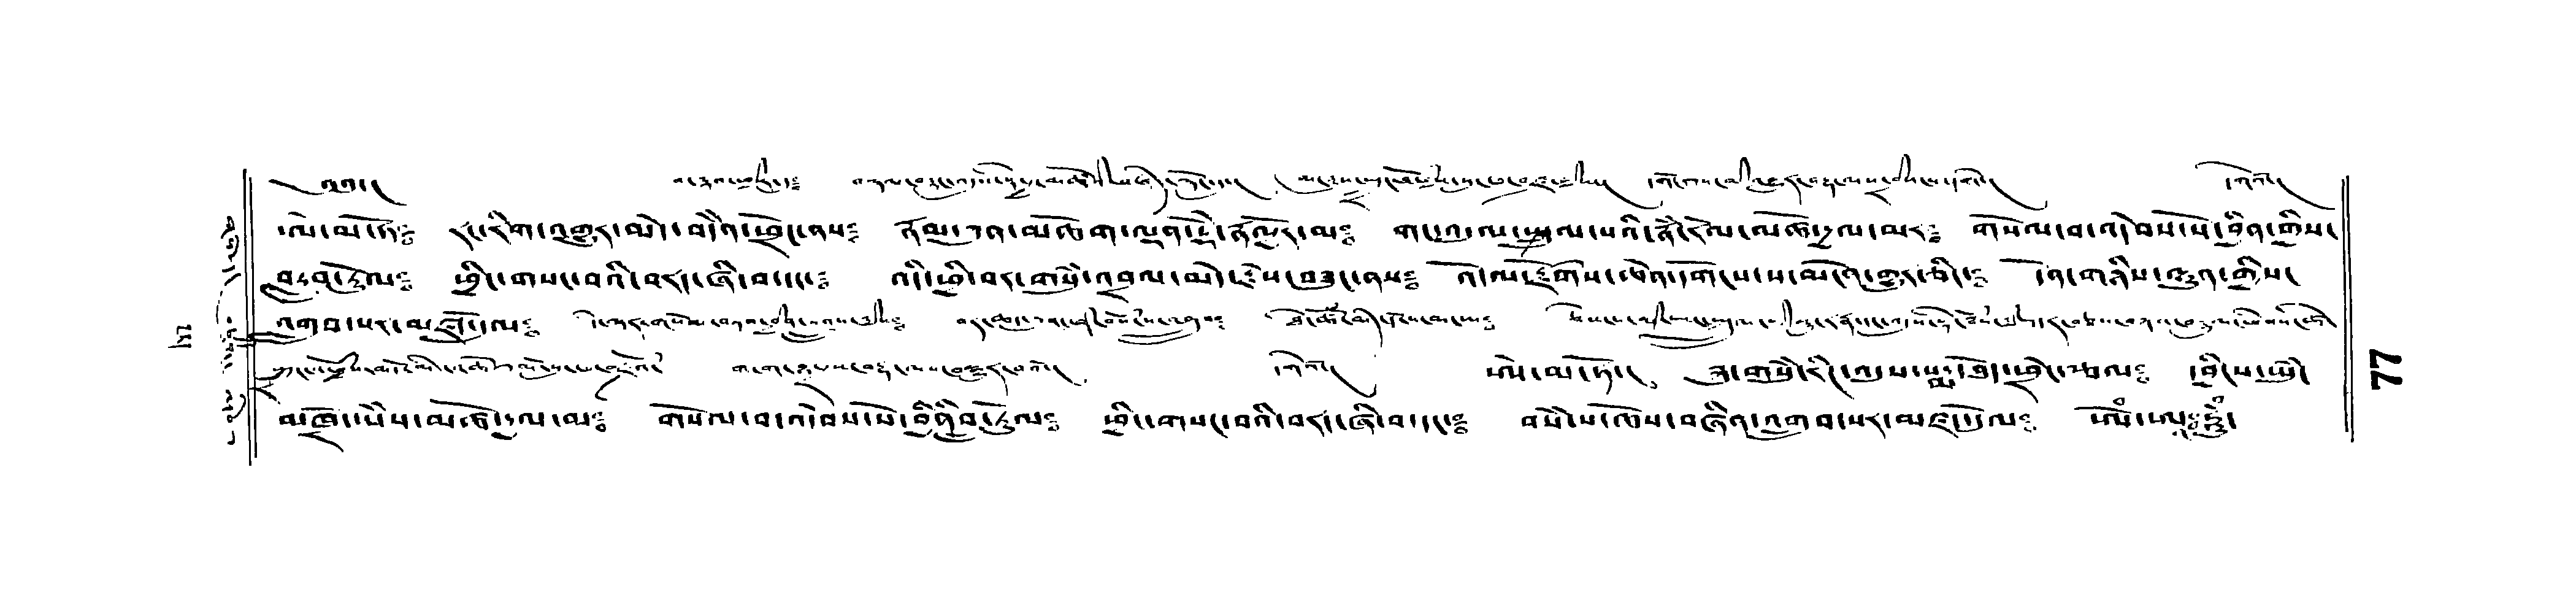བ་ཟབ་ཕྱིར་དུ། །བསྐལ་བཟང་འདུས་སྡེ་རྒྱ་མཚོའི་བཞེད་སྐོང་ཕྱིར། །མ་ནུས་སྤྲང་འཁྱམས་སུ་ཁ་བཛྲ་གྱིས། །དགོངས་པ་མི་འགྱུར་བརྡ་ལས་བྲིས་པ་དགེ།དགེའོ།། 
ཨེ་མ་ཧོཿ རང་རིག་འགྱུར་མེད་བདེ་ཆེན་ཕོ་བྲང་ནས༔ རྣམ་ཀུན་མཆོག་ལྡན་རྡོ་རྗེ་རྣལ་འབྱོར་མ༔ གང་འདུལ་སྤྲུལ་པའི་རྣམ་རོལ་མཚོ་རྒྱལ་མར༔ གསོལ་འདེབས་སོ་བྱིན་གྱིས་
བརླབ་ཏུ་གསོལ༔ ཕྱི་ནང་གསང་བའི་བར་ཆད་ཞི་བ་དང་༔ འདི་ཕྱི་བར་གསུམ་འབྲལ་མེད་རྗེས་བཟུངས་ནས༔ འོད་གསལ་རྫོགས་ཆེན་དགོངས་པ་མངོན་གྱུར་ཅིག༔ དོན་གཉིས་ལྷུན་གྱིས་
འགྲུབ་པར་མཛད་དུ་གདོལ༔ དེ་ལྟར་གསོལ་བཏབ་བྱིན་རླབས་ཀྱིས༔ བར་ཆད་ཀུན་ཞི་བསམ་པ་འགྲུབ༔ ཐེ་ཚོམ་མེད་དོ་ས་མ་ཡ༔ ཅེས་པ་འདི་ཡང་སྤྲུལ་པའི་སྐུ་རཏྣ་དང་འདུས་སྡེ་རྣམས་ཀྱིས་དར་བཅས་བཀའ་བསྐུལ་ཕེབས་ཚེ་
སྤྲང་འཁྱམས་མདོ་མེད་འཆོལ་མོ་སུ་ཁ་བཛྲ་རམ། ག་ག་བྷ་དྲས་བརྡ་ལས་བསྒྱུར་བའོ།། ཨེ་མ་ཧོཿ སྐུ་གསུམ་རིགས་འདུས་པདྨ་ཐོད་ཕྲེང་རྩལ༔ དབྱིངས་ཡུམ་
མཁའ་འགྲོ་ཡེ་ཤེས་མཚོ་རྒྱལ་མ༔ གསོལ་བ་འདེབས་སོ་བྱིན་གྱིས་བརླབ་ཏུ་གསོལ༔ ཕྱི་ནང་གསང་བའི་བར་ཆད་ཞི་བ་དང༔ བསམ་པ་ཆོས་བཞིན་འགྲུབ་པར་མཛད་དུ་གསོལ༔ ཨོཾ་ཨཱཿཧཱུྃ༔